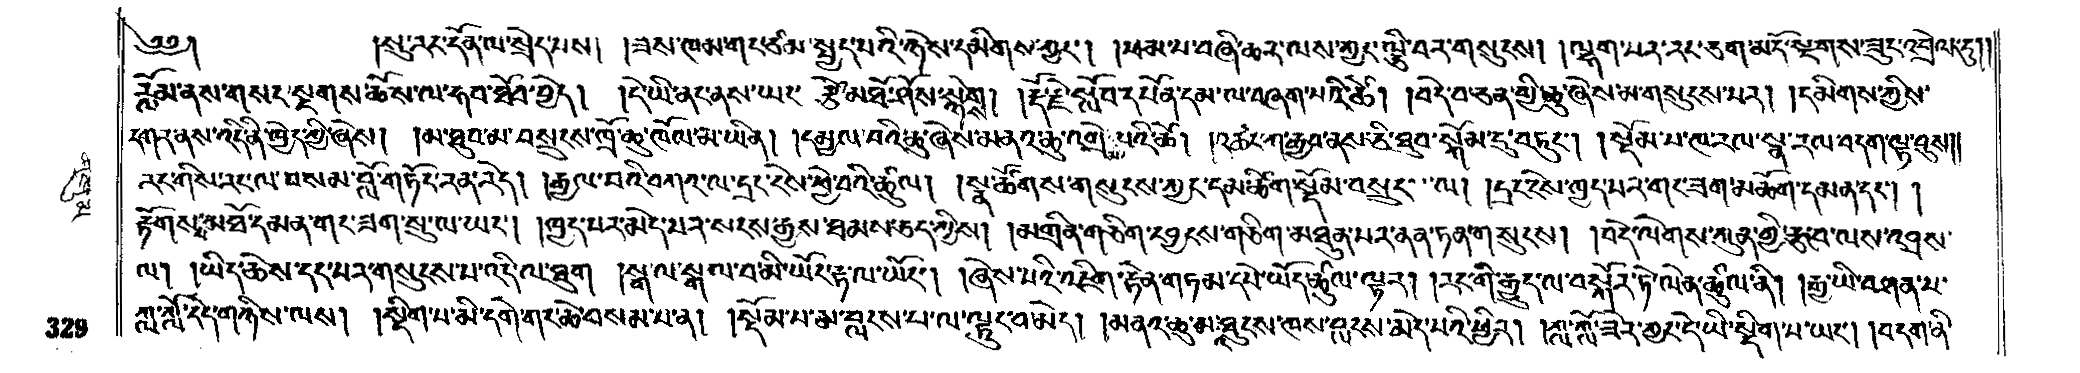༄༅། །སུ་རང་དོན་ལ་སྲེད་པས། །ཟས་ཁམ་གང་ཙམ་སྤྱད་པའི་ཉེས་དམིགས་ཀྱང་། །ཕམ་པ་བཞི་ཆར་ལས་ཀྱང་ལྕི་བར་གསུངས། །ལྷག་པར་རང་ཅག་མདོ་སྔགས་ཟུང་འབྲེལ་དུ།།
རློམ་ནས་གསང་སྔགས་ཆོས་ལ་ཧབ་ཐོབ་བྱེད། །དེ་ཡི་ནང་ནས་ཡང་རྩེ་མཐོ་ཤོས་སྙེགས། །རྡོ་རྗེ་སློབ་དཔོན་དམ་ལ་བཞག་པའི་ཚེ། །བདེ་བ་ཅན་གྱི་ཆུ་ཞེས་མ་གསུངས་པར། །དམིགས་ཀྱིས་
དགར་ནས་འདི་ནི་ཁྱེད་ཀྱི་ཞེས། །མ་ཐུབ་མ་བསྲུངས་ཁྲོ་ཆུ་ཁོལ་མ་ཡིན། །དམྱལ་བའི་ཆུ་ཞེས་མནའ་ཆུ་འགྲེམ་པའི་ཚེ། །འཚང་ཀ་རྒྱབ་ནས་ཅི་ཐུབ་སྐོམ་དུ་བཏུང་། །སྡོམ་པ་ཁ་རལ་སྣ་རལ་བདག་ལྟ་བུས།།
རང་གིས་རང་ལ་བསམ་བློ་གཏོང་རན་རེད། །རྒྱལ་བའི་བཀའ་ལ་དྲང་ངེས་ཕྱེ་བའི་ཚུལ། །སྣ་ཚོགས་གསུངས་ཀྱང་དམ་ཚིག་སྡོམ་བསྲུང་ལ། །དྲང་ངེས་ཁྱད་པར་གང་ཟག་མཆོག་དམན་དང་། །
རྟོགས་པ་མཐོ་དམན་གང་ཟག་སུ་ལ་ཡང་། །ཁྱད་པར་མེད་པར་སངས་རྒྱས་ཐམས་ཅད་ཀྱིས། །མགྲིན་གཅིག་དབྱངས་གཅིག་མཐུན་པར་ནན་ཏན་གསུངས། །བདེ་ལེགས་ཀུན་གྱི་རྩ་བ་ལས་འབྲས་
ལ། །ཡིད་ཆེས་དང་པར་གསུངས་པ་འདི་ལ་ཐུག །སྒ་ལ་སྒལ་བ་མི་ཡོང་རྟ་ལ་ཡོང་། །ཞེས་པའི་འཇིག་རྟེན་གཏམ་དཔེ་ཡོད་ཚུལ་ལྟར། །རང་གི་རྒྱུད་ལ་བསྐོར་ཏེ་ལེན་ཚུལ་ནི། །རྒྱ་ཡི་བཤན་པ་
ཀླ་ཀློ་ངེད་གཉིས་ལས། །སྡིག་པ་མི་དགེ་གང་ཆེ་བསམ་པ་ན། །སྡོམ་པ་མ་བླངས་པ་ལ་ལྟུང་བ་མེད། །མནའ་ཆུ་མ་འཐུངས་ཁས་བླངས་མེད་པའི་ཕྱིར། །ཀླ་ཀློ་ཟེར་ཀྱང་དེ་ཡི་སྡིག་པ་ཡང་། །བདག་ནི་